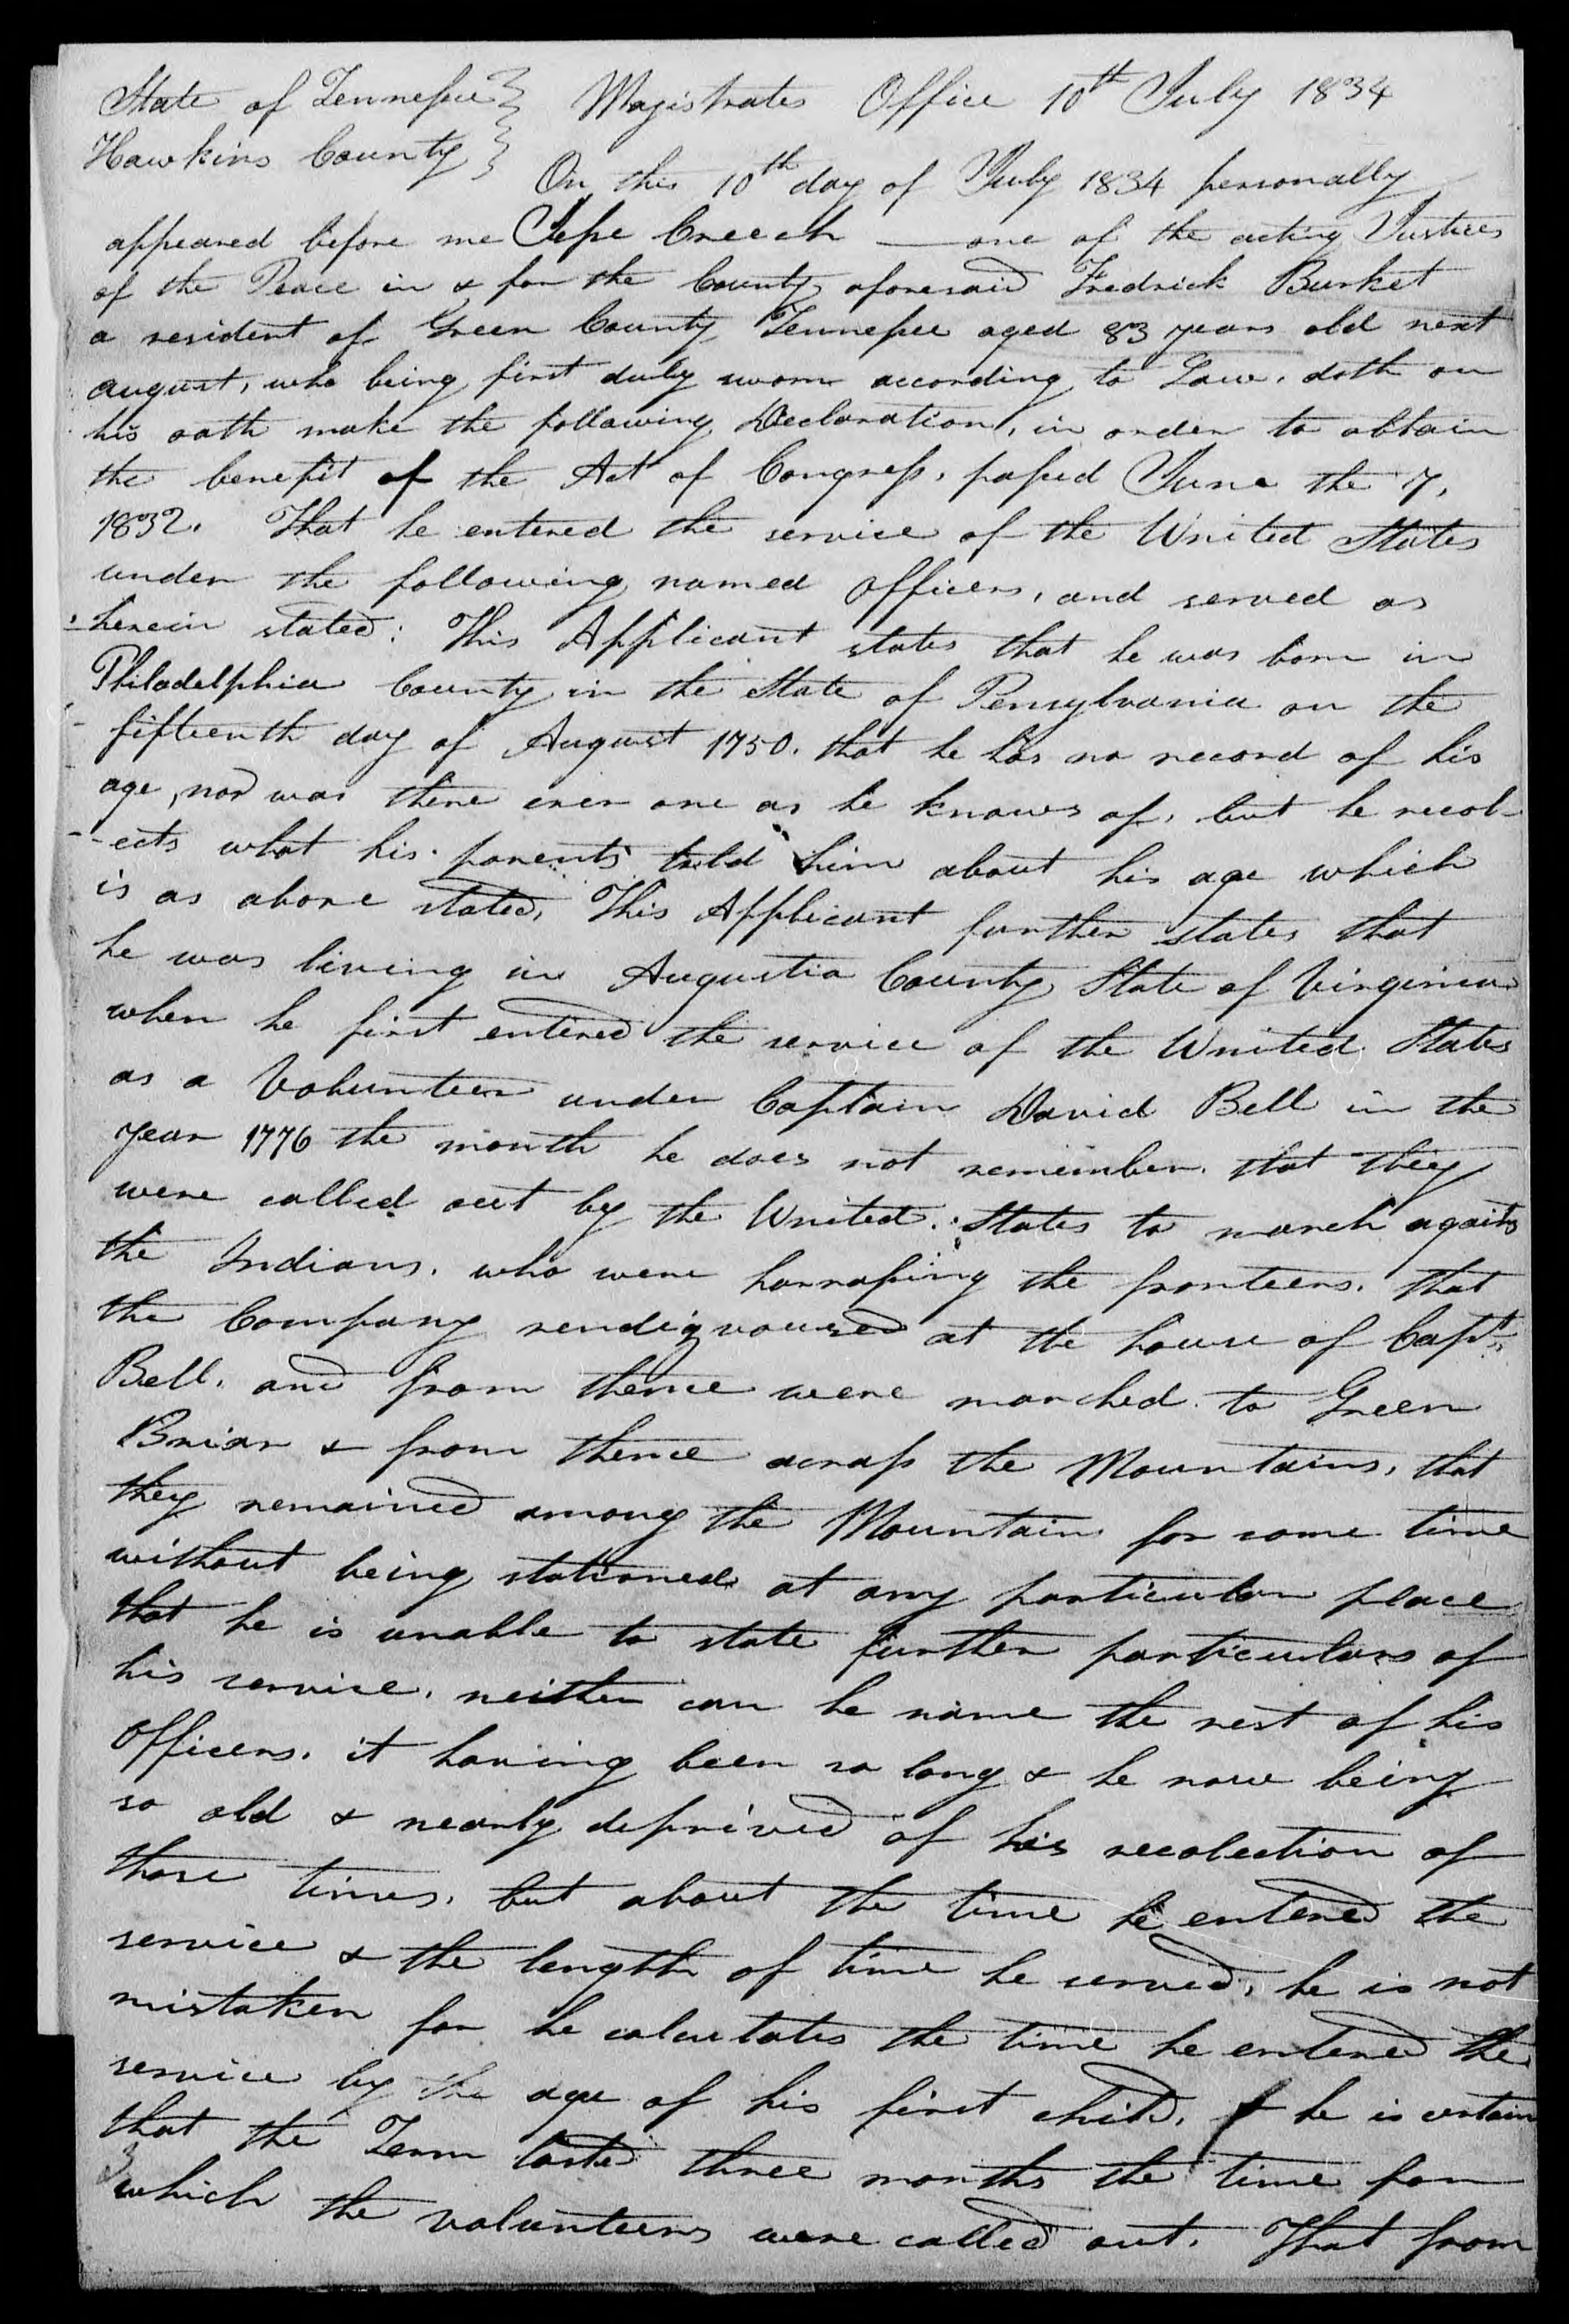On this 10th day of July 1834 personally appeared before me Jese Creech – one of the acting Justices of the Peace in & for the County aforesaid Fredrick Burket a resident of Green County, Tennessee aged 83 years old next August, who being first duly sworn according to Law doth on his oath make the following Declaration, in order to obtain the benefit of the Act of Congress, passed June the 7, 1832.  That he entered the service of the United States under the following named Officers, and served as herein stated:  This Applicant states that he was born in Philadelphia County in the State of Pennsylvania on the fifteenth day of August 1750, that he has no record of his age, nor was there ever one as he knows of, but he recollects what his parents told him about his age which is as above stated.  This Applicant further states that he was living in Augustia County State of Virginia when he first entered the service of the United States as a Volunteer under Captain David Bell in the year 1776 the month he does not remember that they were called out by the United States to march against the Indians who were harassing the frontiers that the Company rendizvouse (sic) at the house of Capt Bell and from thence were marched to Green Briar & from thence across the Mountains, that they remained among the Mountains for some time without being stationed at any particular place that he is unable to state further particulars of his service, neither can be name the rest of his Officers. it having been so long & he now being so old & nearly deprived of his recollection of those times, but about the time he entered the service & the length of time he served, he is not mistaken for he calculates the time he entered the service by the age of his first child, & he is certain that the Term lasted three months the time for which the volunteers were called out. That from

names: Daniel Bell, Fredrick Burket, Bell, Jesse Creech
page: 31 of 47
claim: survivor's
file: S. 3102, Frederick Burket, Va.